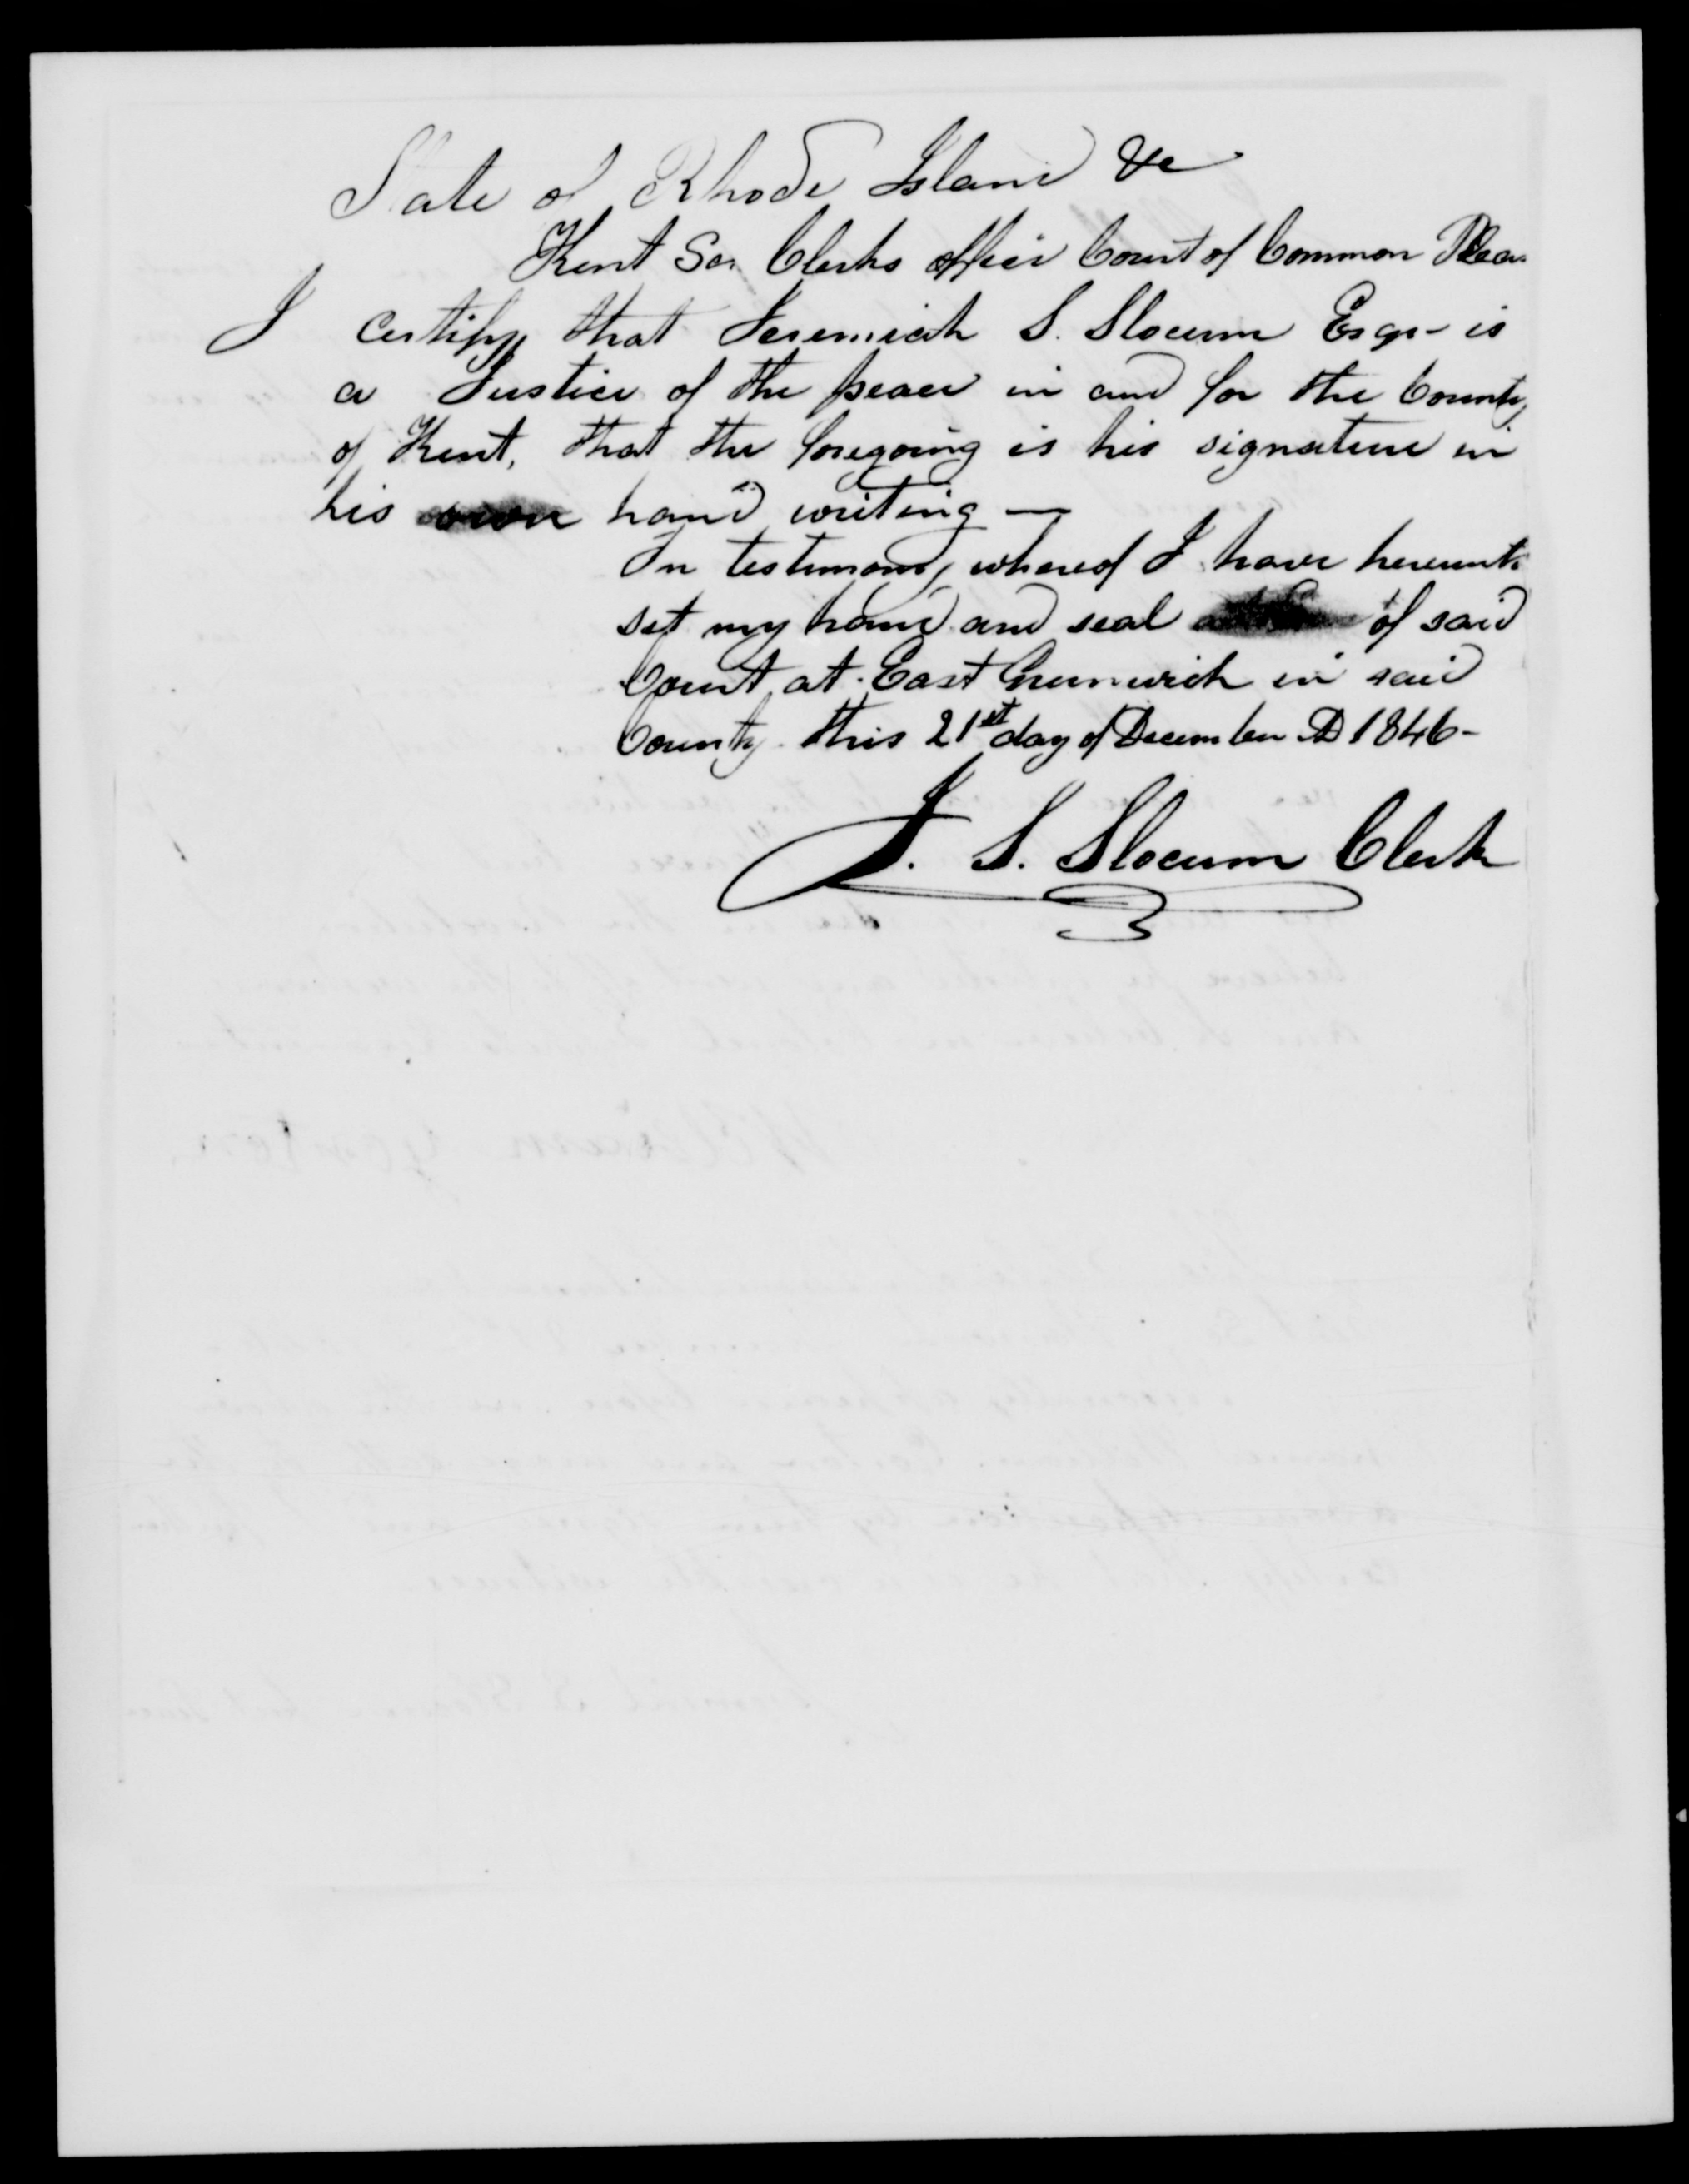State of Rhode Island vc
Kent Sa Clerks office Court of Common Pleas certify that Jeremiah S. Slocum Esq is a Justice of the peace in and for the County of Kent, that the foregoing is his signature in his own hand writing—

In testimony whereof I have herewith set my hand and seal [illegible] of said Court at East Greenwich in said County this 21st day of December A.D. 1846

J.S. Slocum Clerk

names: Jeremiah S Slocum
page: 40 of 53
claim: widow's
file: W 17707, Benjamin Weaver, R.I.